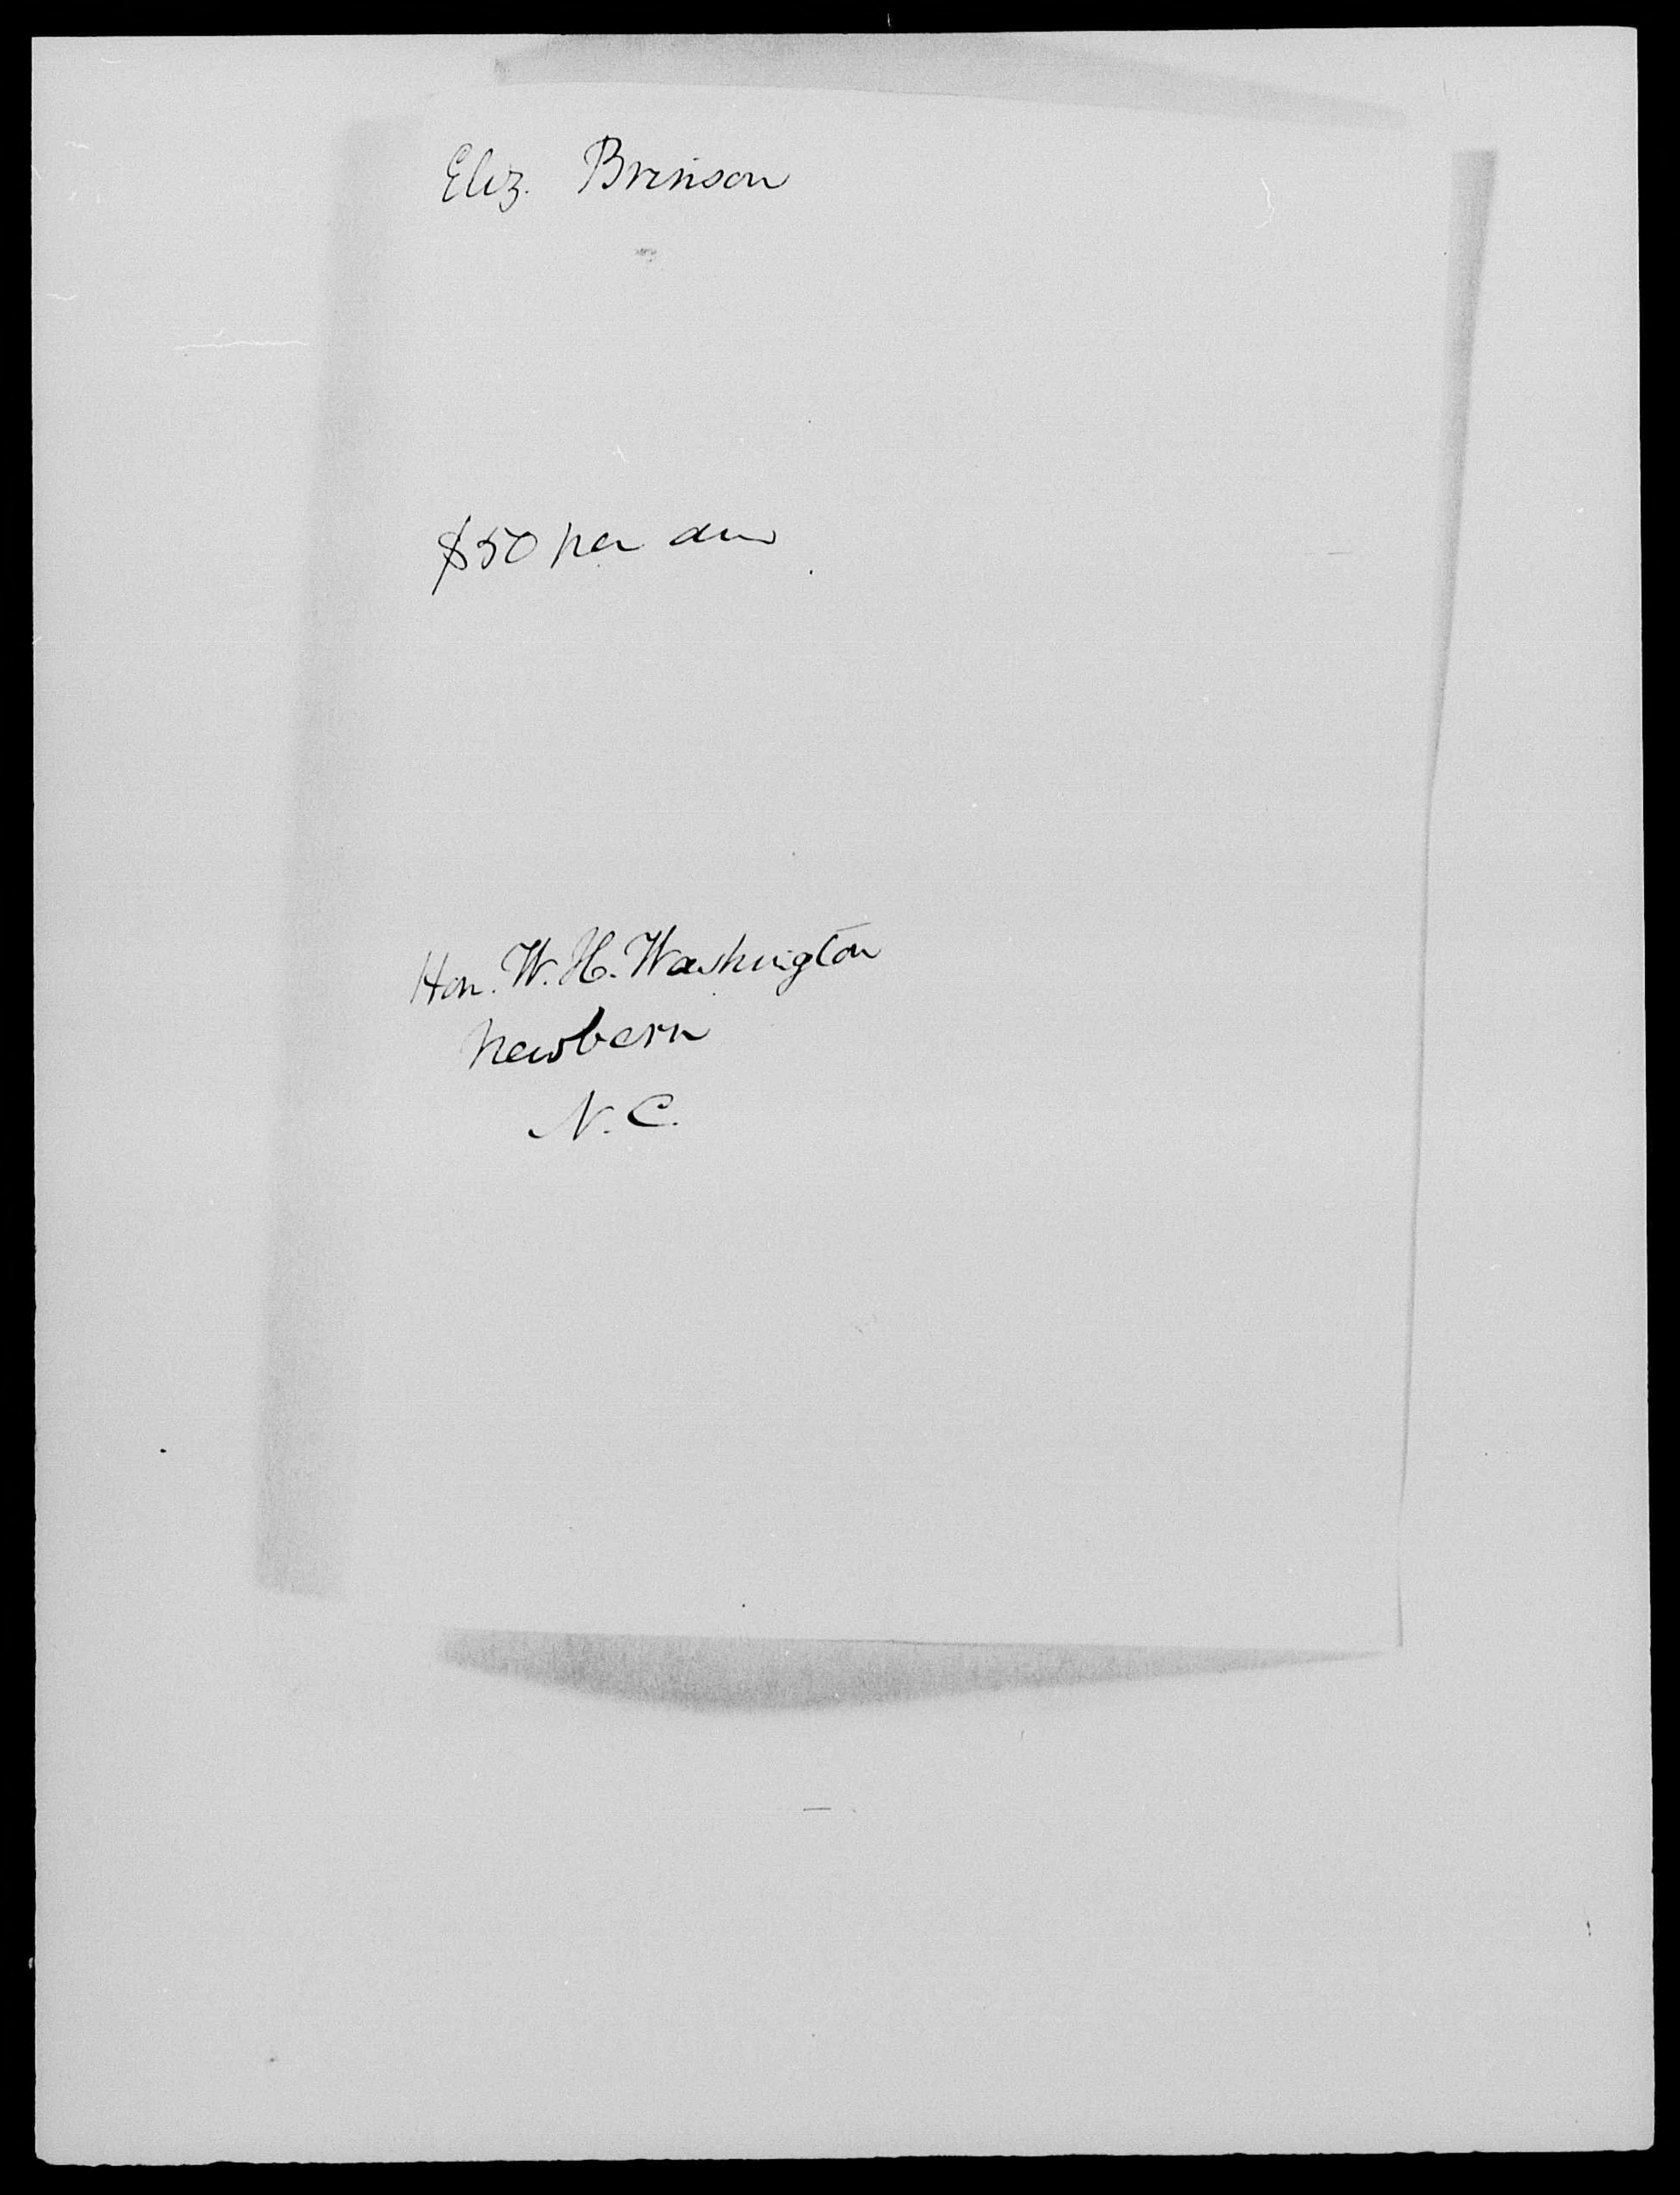Eliz. Brinson


$50 per ann

Hon. W.H.Washington
Newbern
N.C.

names: W H Washington, Eliz Brinson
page: 19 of 38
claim: widow's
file: W. 5231, Hilary Brinson, N.C.